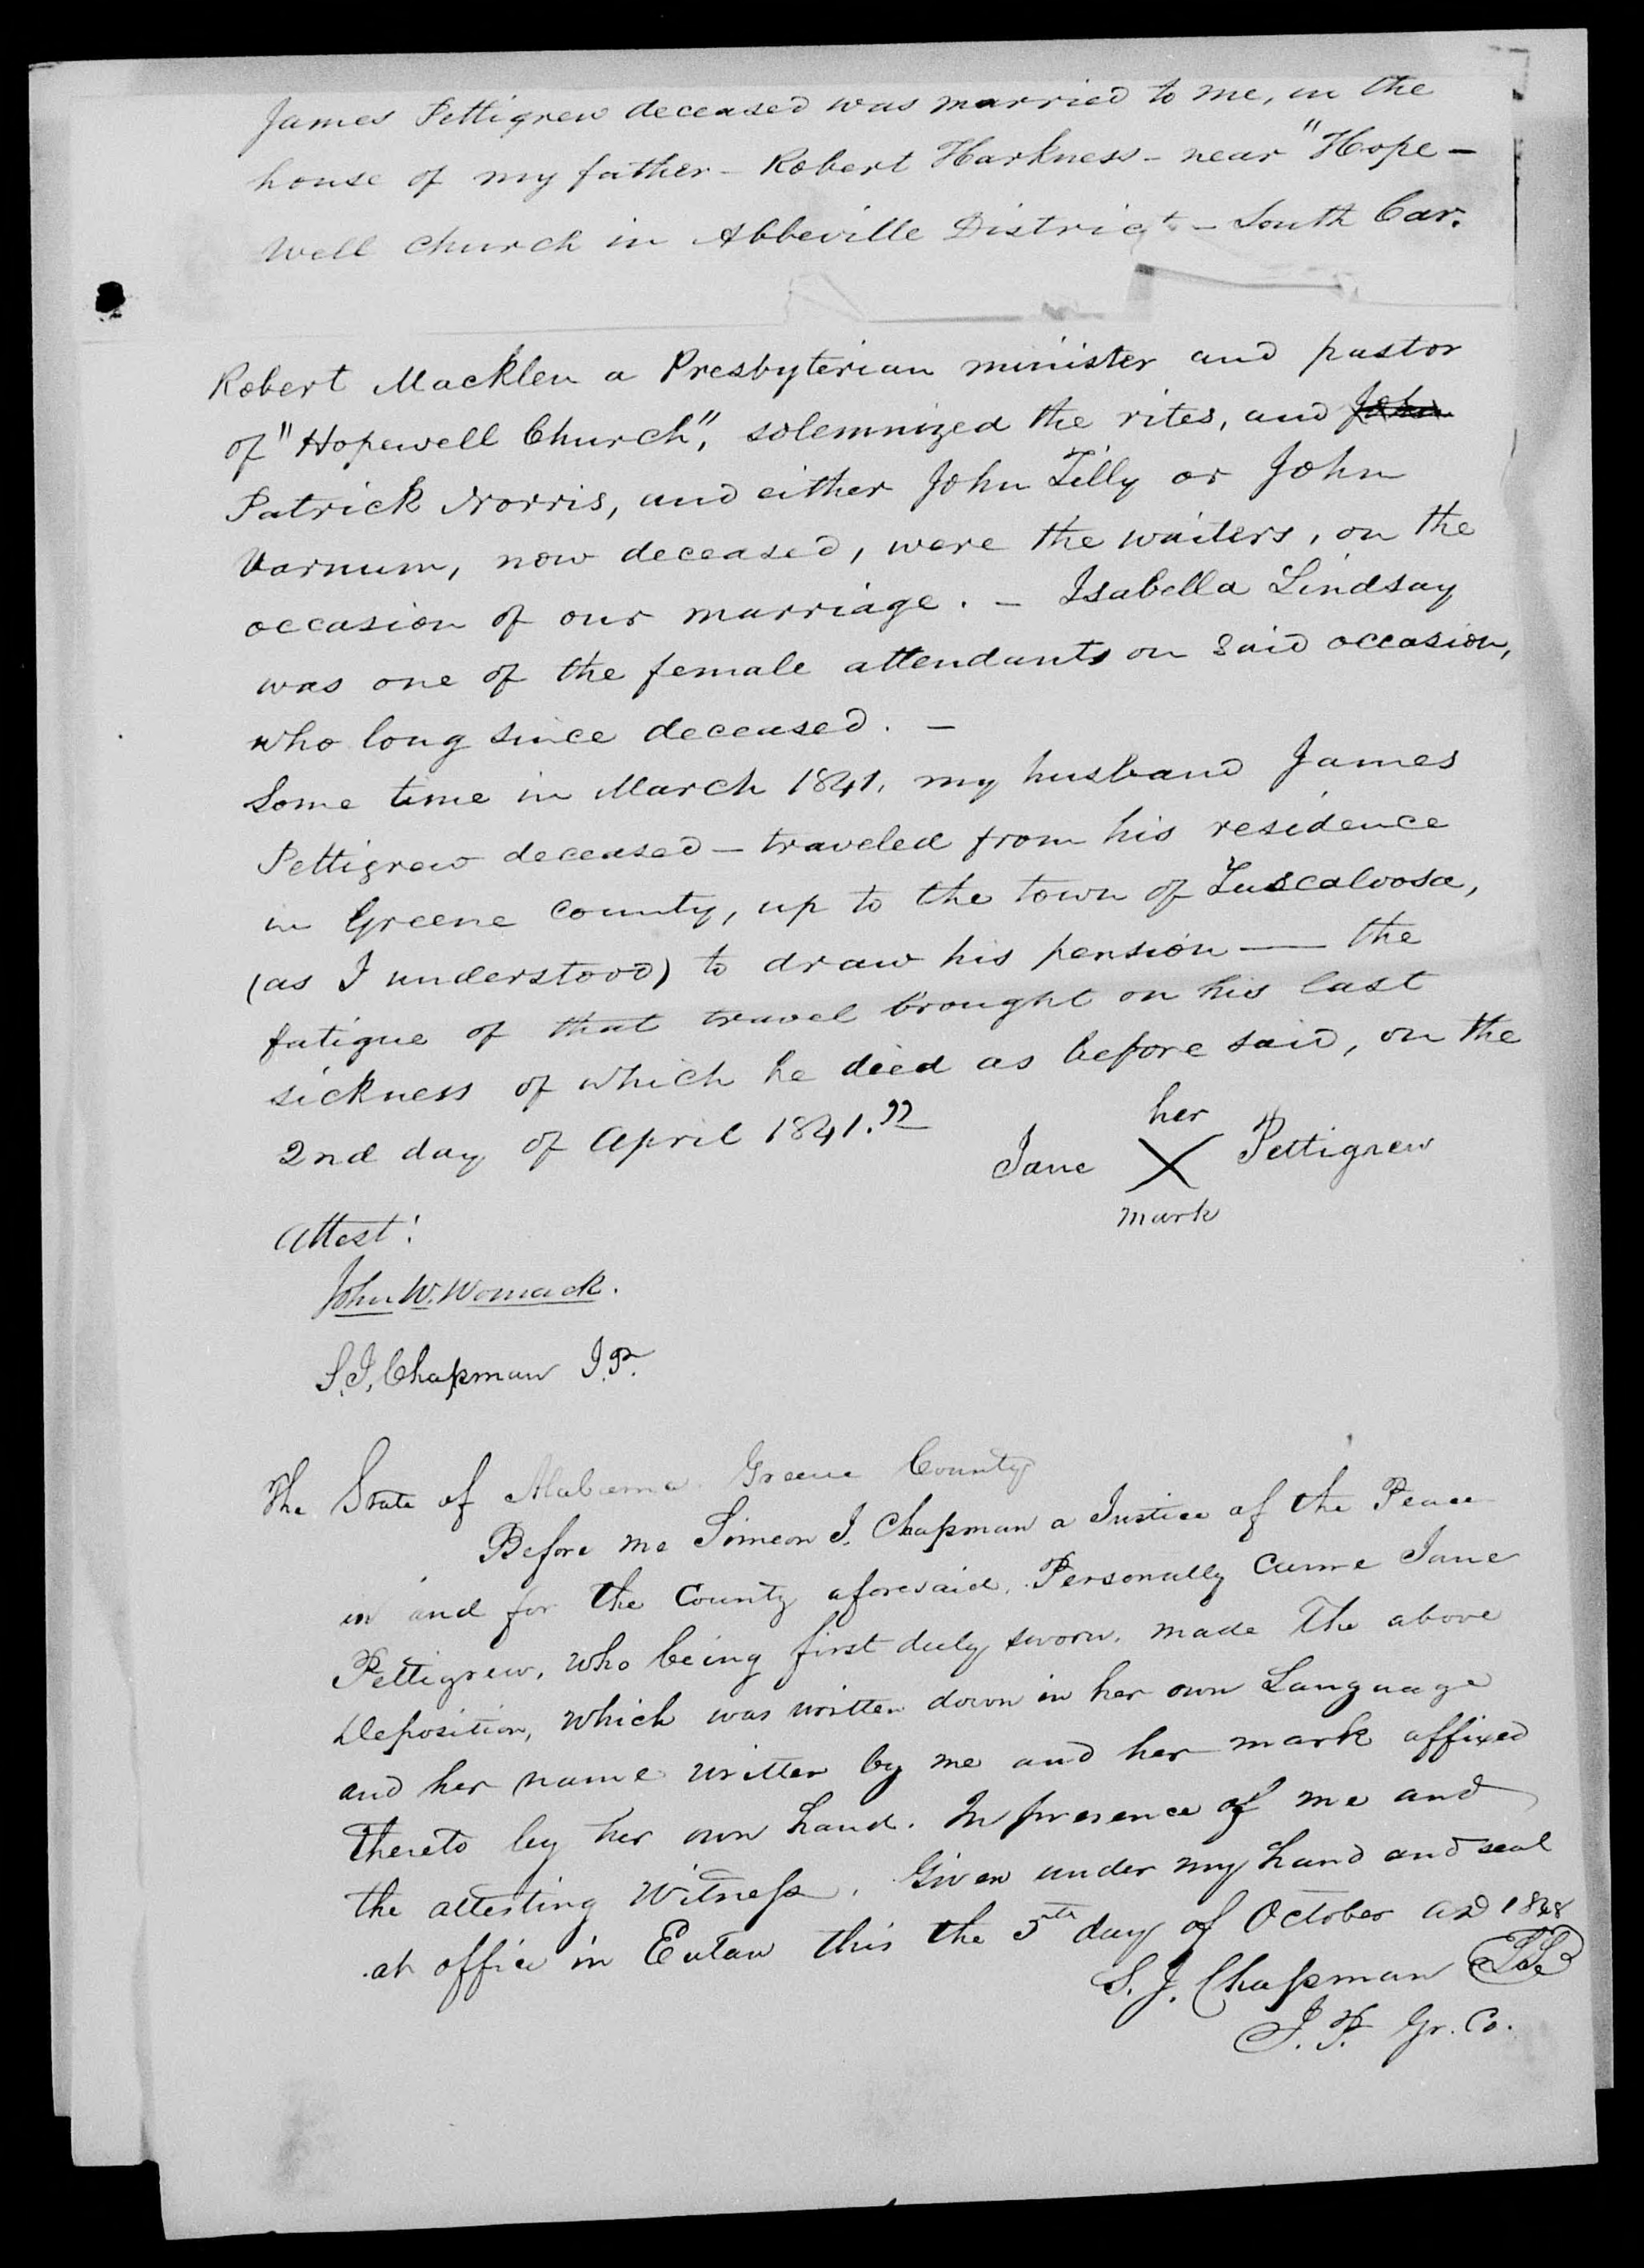James Pettigrew deceased was married to me, in the house of my father - Robert Harkness - "Hopewell Church in Abbeville District - South Car.

Robert Macklen a Presbyterian minister and pastor of "Hopewell Church," solemnized the rites, and ["John" crossed out]^Patrick Morris, and wither John Tilly or John Varnum, now deceased, were the waiters, on the occasion of our marriage. - Isabella Lindsay was one of the female attendants on said occasion, who long since deceased. -
Some time in March 1841, my husband James Pettigrew deceased - traveled from his residence Greene County, up to the town of Tuscaloosa, (as I understood ) to draw his pension - the fatigue of that travel brought on his east sickness of which he died as before he said, on the 2nd day of April 1841." -
Attest:
John W Womack
S. J. Chapman J.P.
Jane Pettigrew

The State of Alabama Greene County
Before me Simeon J. Chapman a Justice of the Peace in and for the county aforesaid. Personally came Jane Pettigrew, who being first duly sworn made The above Deposition, which was written down in her own Language and her name written by me and her mark affirmed Thereto by her own hand. [illegible] of me and the attesting witness. Given under my hand and seal of office in Eutaw this the 5th day of October in 1828
S. J. Chapman [seal "LP]
J. P. gr.co.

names: Isabella Lindsay; James Pettigrew; Robert Macklen; John Varnum; Jane Pettigrew; Patrick Norris; Simeon J Chapman; John W Womack; John Tilly; Robert Harkness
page: 65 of 92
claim: widow's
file: W. 5522, for James Pettigrew, South Carolina